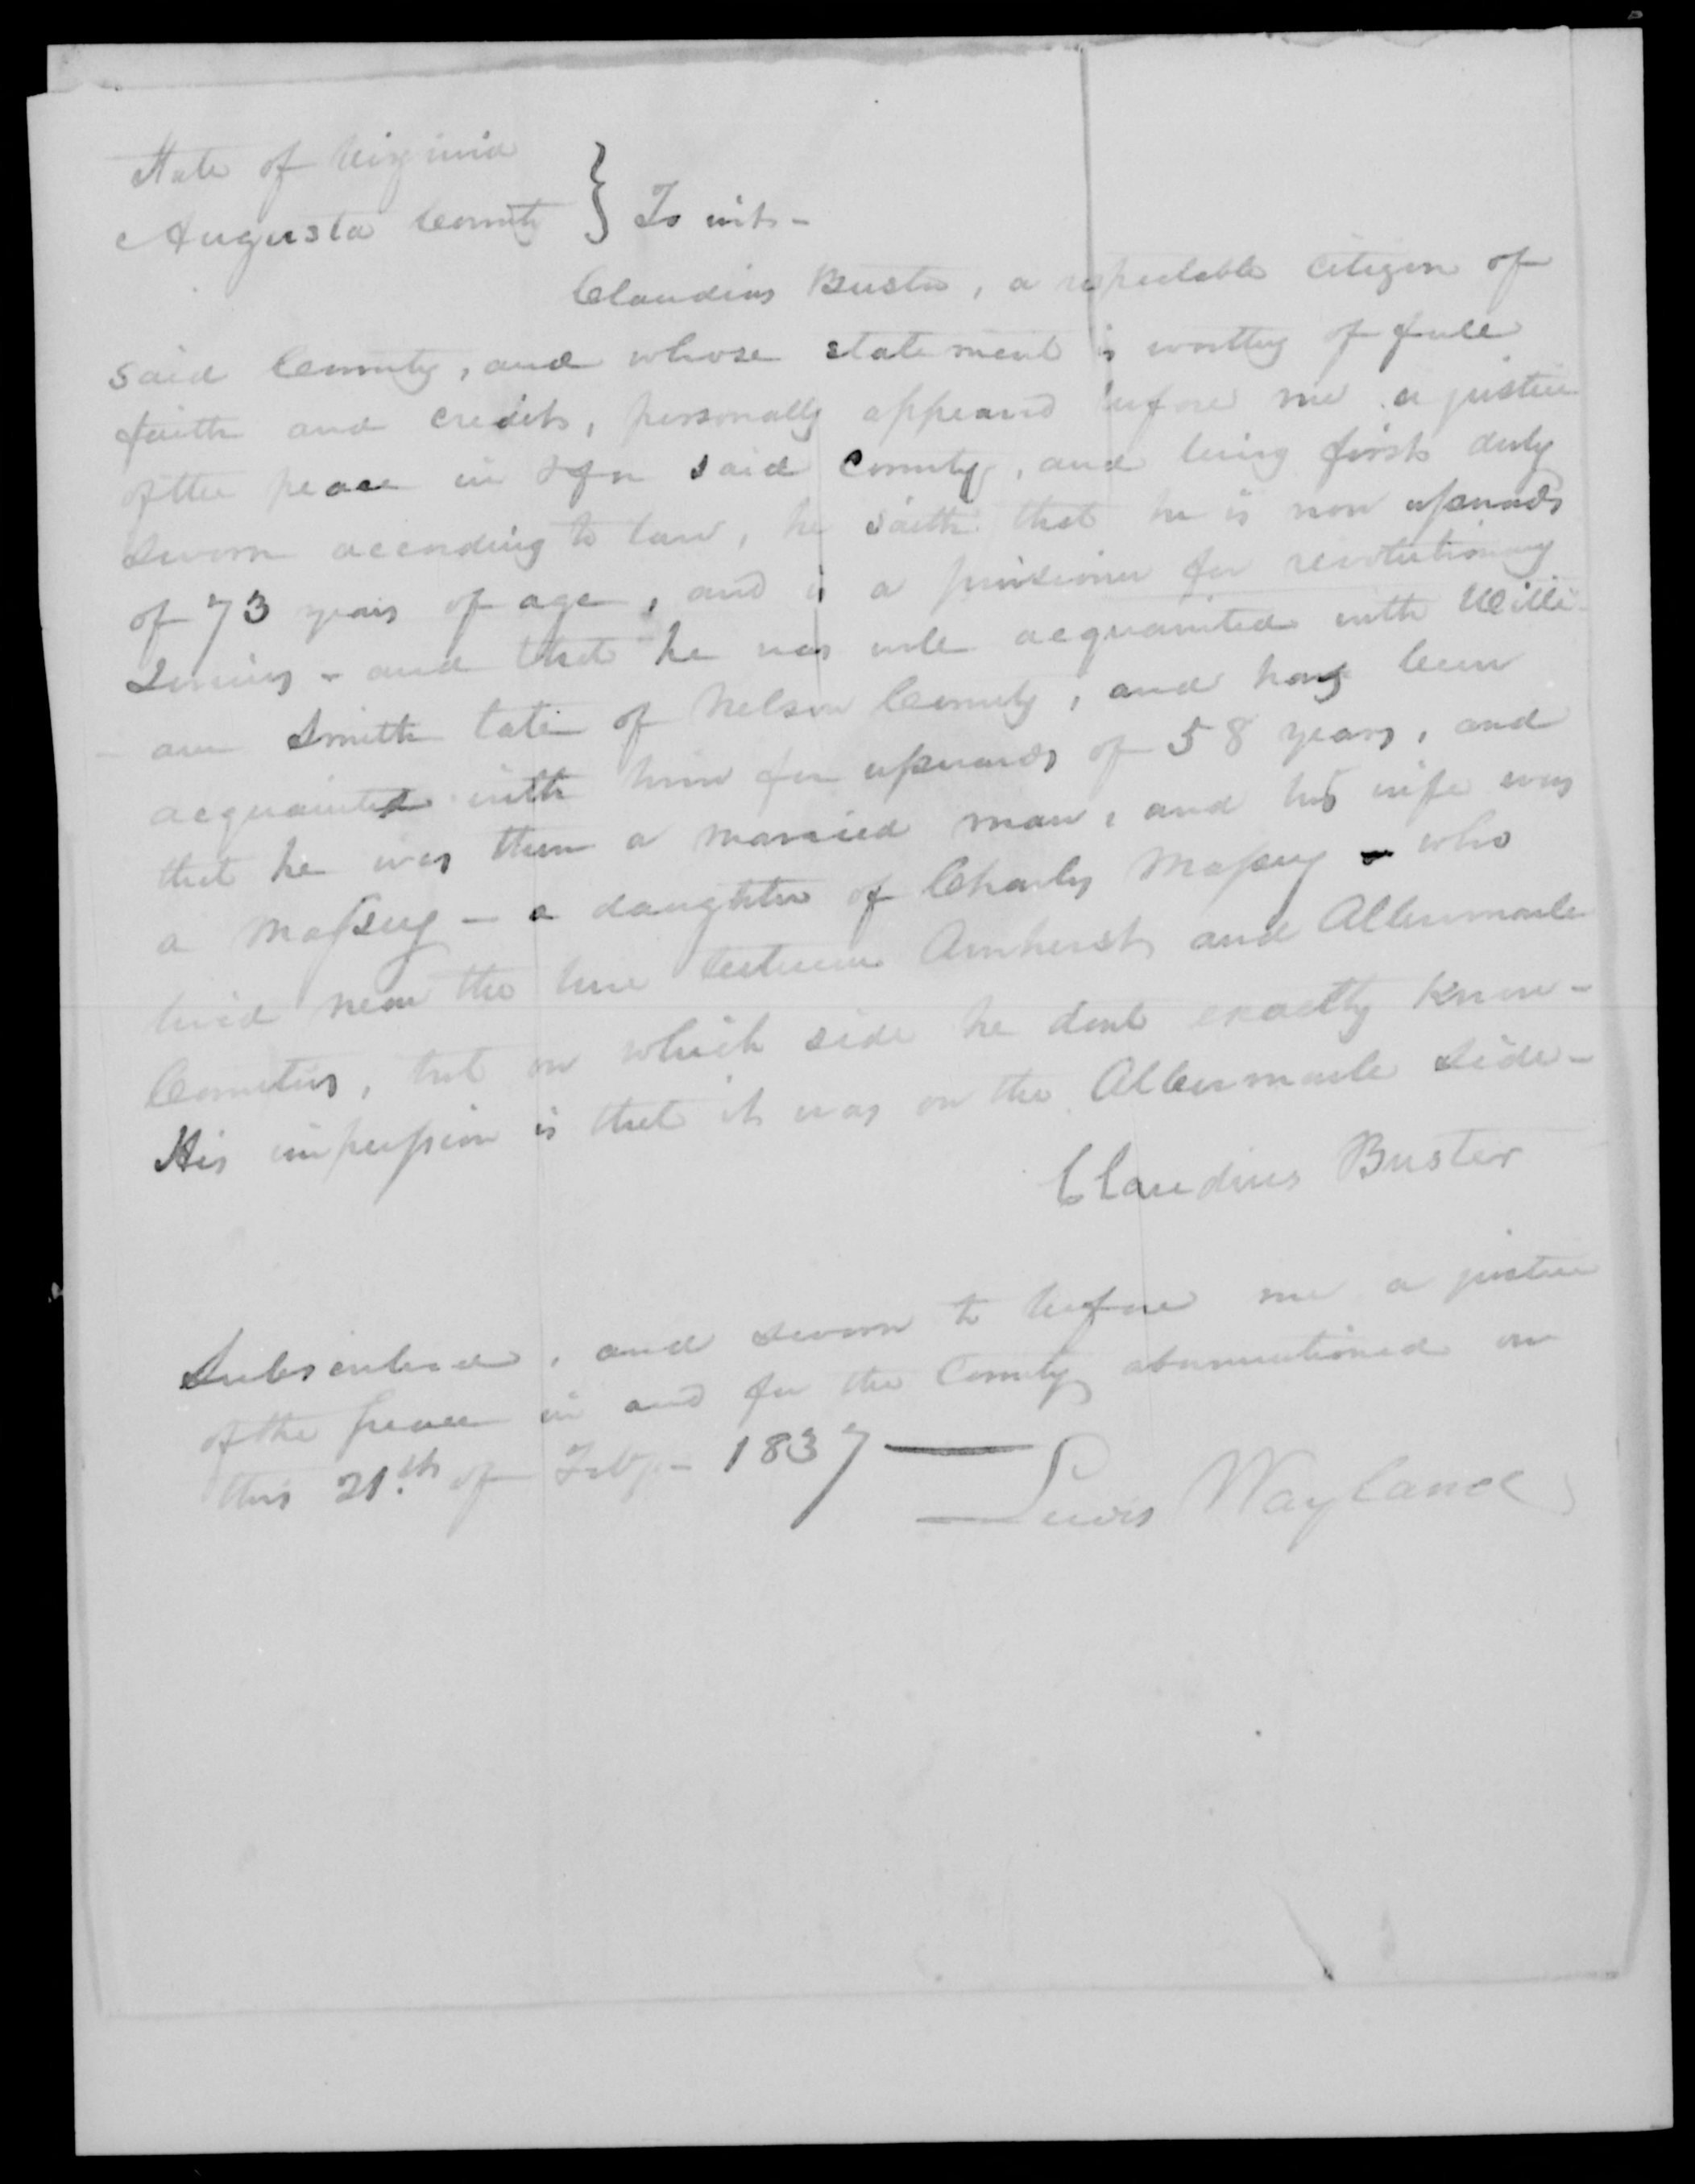State of Virginia
Augusta County} To wit - 
Claudius Buster, a respectable citizen of said County, and whose statement is worthy of full faith and credit, personally appeared before me a justice of the peace in & for said County, and being first duly sworn according to law, he saith that he is now upwards of 73 years of age, and is a pensioner for revolutionary services - and that he was well acquainted with William Smith late of Nelson County, and has been acquainted with him for upwards of 58 years, and that he was then a married man, and his wife was a Massey - a daughter of Charles Massey - who lived near the line between Amherst and Albemarle Counties, but on which side he dont exactly know - His impression is that it was on the Albemarle side - 
Claudius Buster

Subscribed, and sworn to before me a justice of the peace in and for the County abovementioned on this 21st of Feby - 1837 -
Lewis Wayland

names: Claudius Buster; Claudius Buster; Lewis Wayland; Charles Messey; William Smith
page: 21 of 22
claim: widow's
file: W. 4,806, for William Smith, Virginia